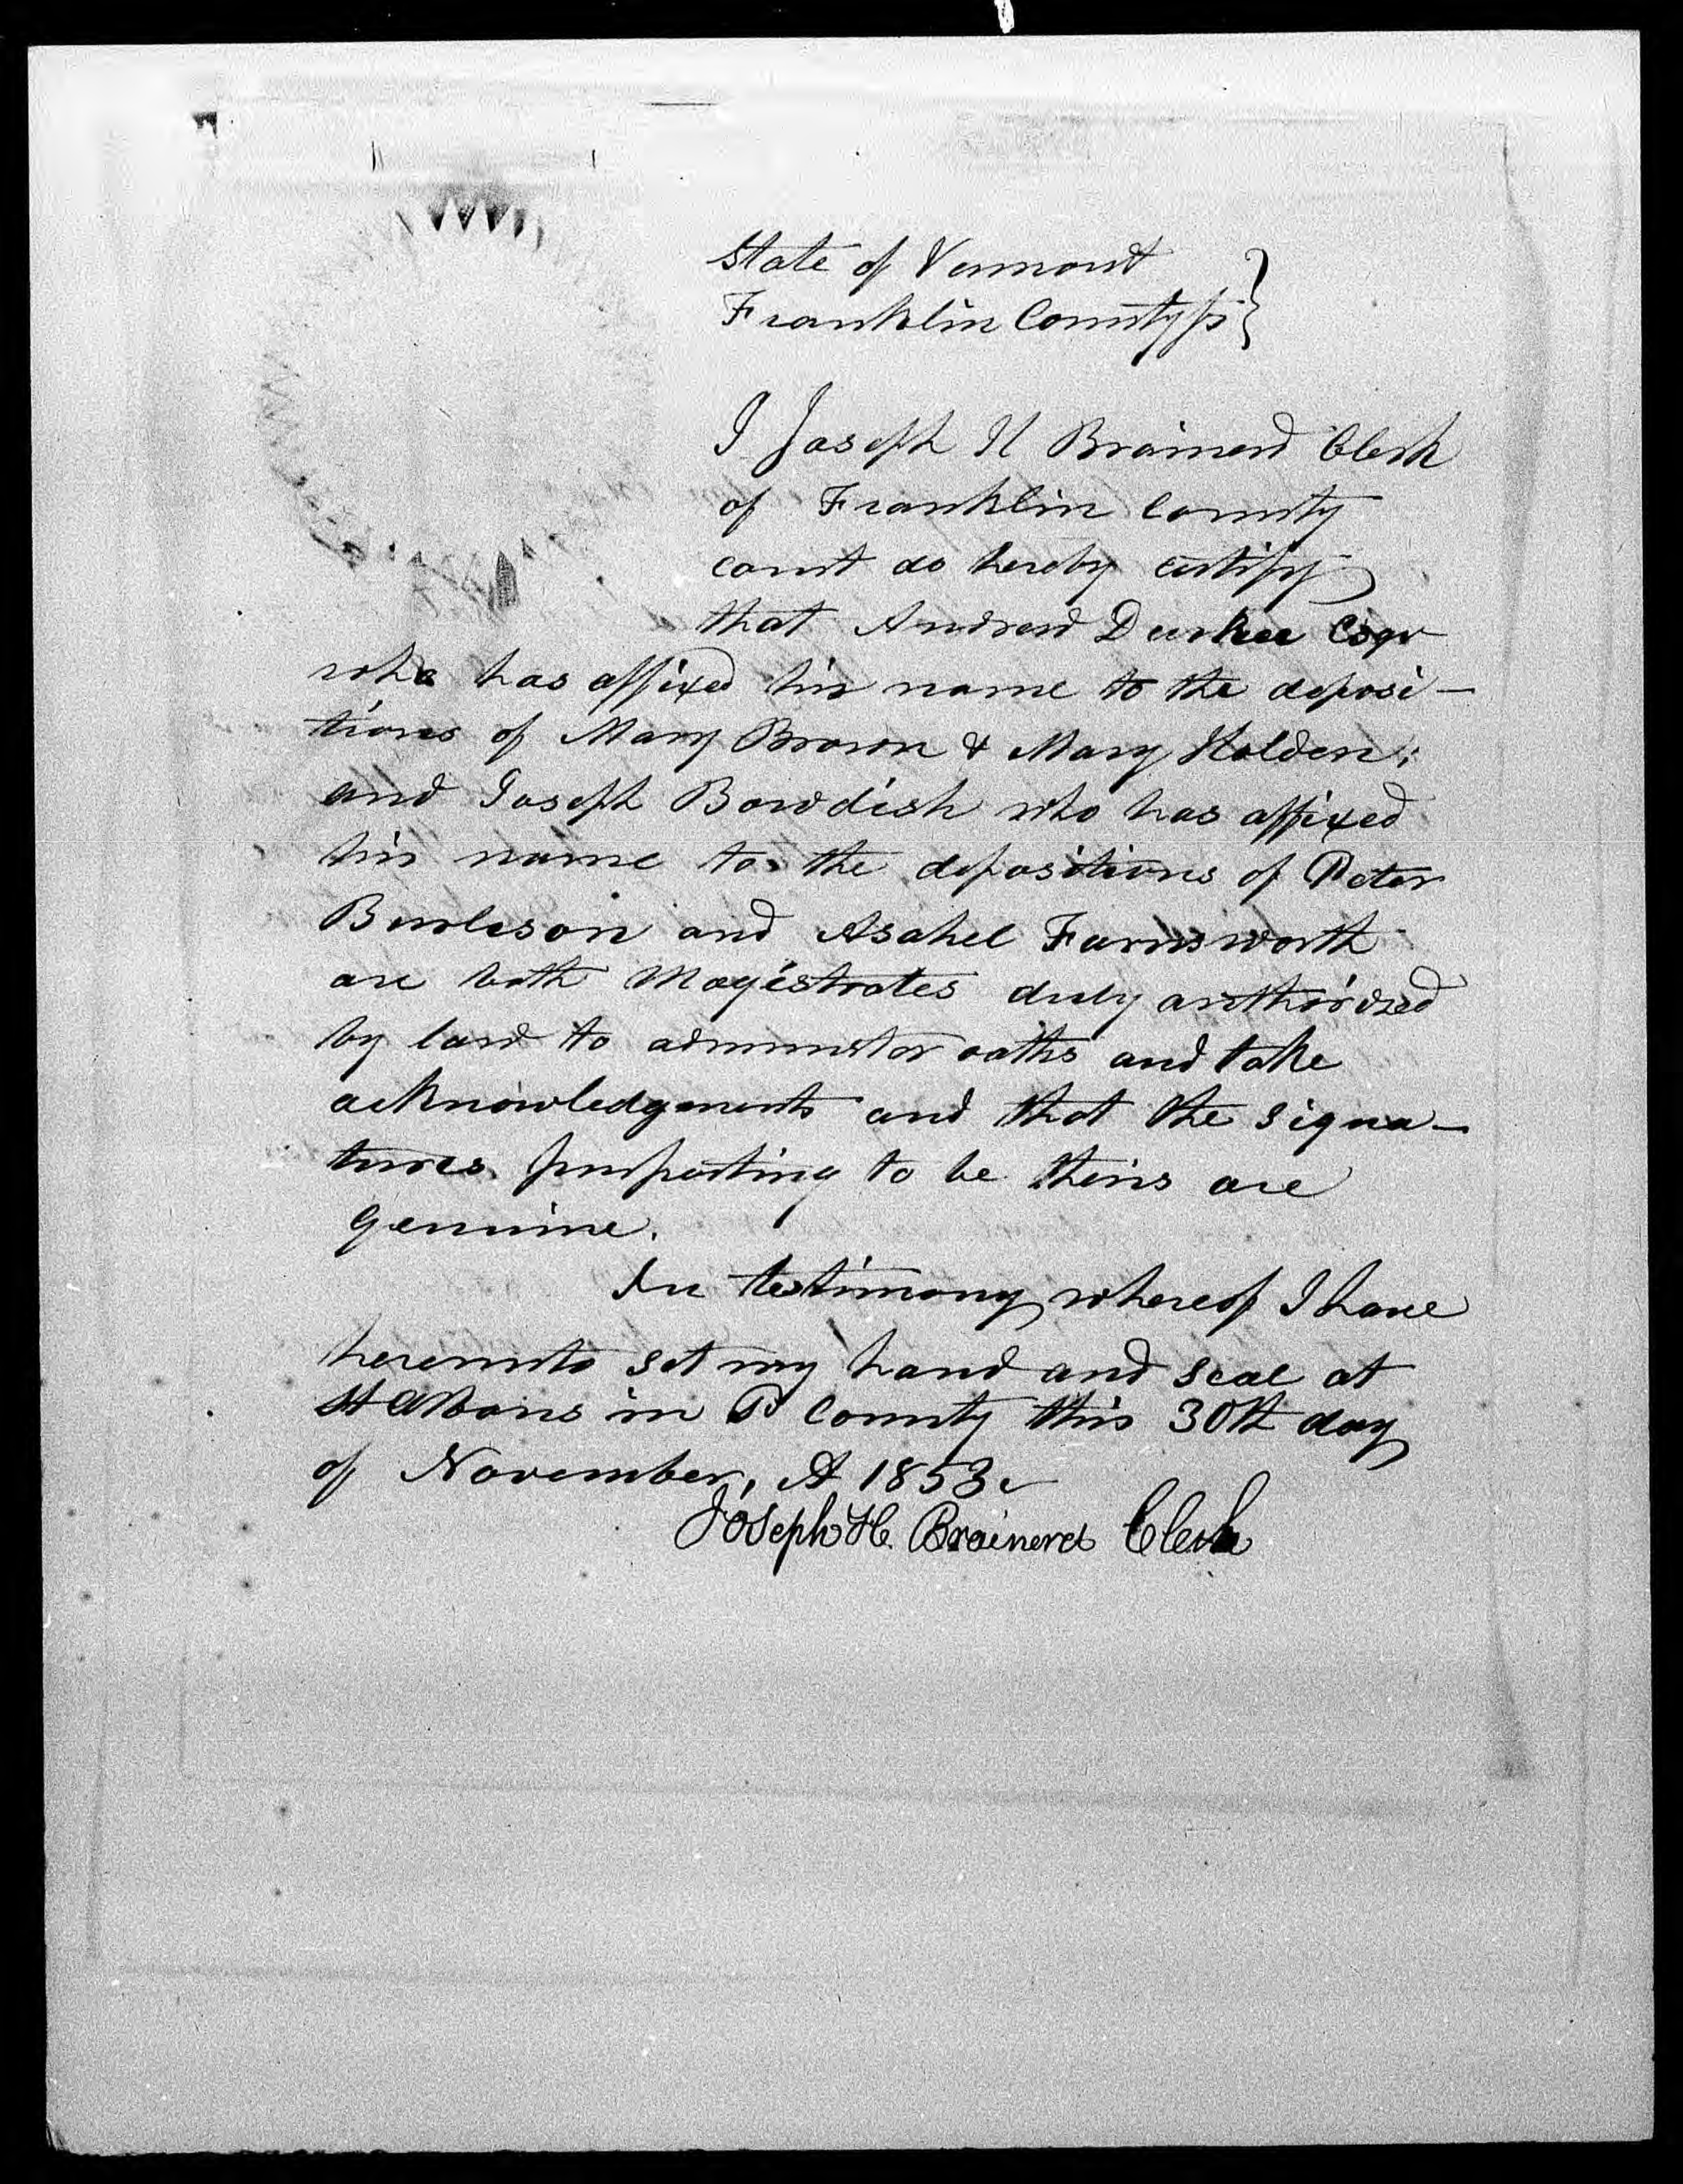State of Vermont SS
Franklin County  SS

I Joseph H Brainerd of Sheldon of Franklin County Court do hereby certify that Andrew Durkee cogn son has affixed his name to the depositions of Mary Brown & Mary Holden and Joseph Bowdish who has affixed his name to the depositions of Peter Bushson and Asahel Farnsworth are both Magistrates duly authorized by last to administrates duly oaths and take acknowledgments and that the signatures imparting to be theirs are genuine.

	In testimony whereof I have hereunto set my hand and seal at St Albans in sd county this 30th day of November, A 1858.
	Joseph H Brainerd, Clerk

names: Mary Brown, Andrew Durkee, Peter Bushson, Asahel Farnsworth, Joseph Bowdish, Joseph H Brainerd, Mary Holden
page: 17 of 58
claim: widow's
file: W. 25813, Jehiel Hull, Conn.